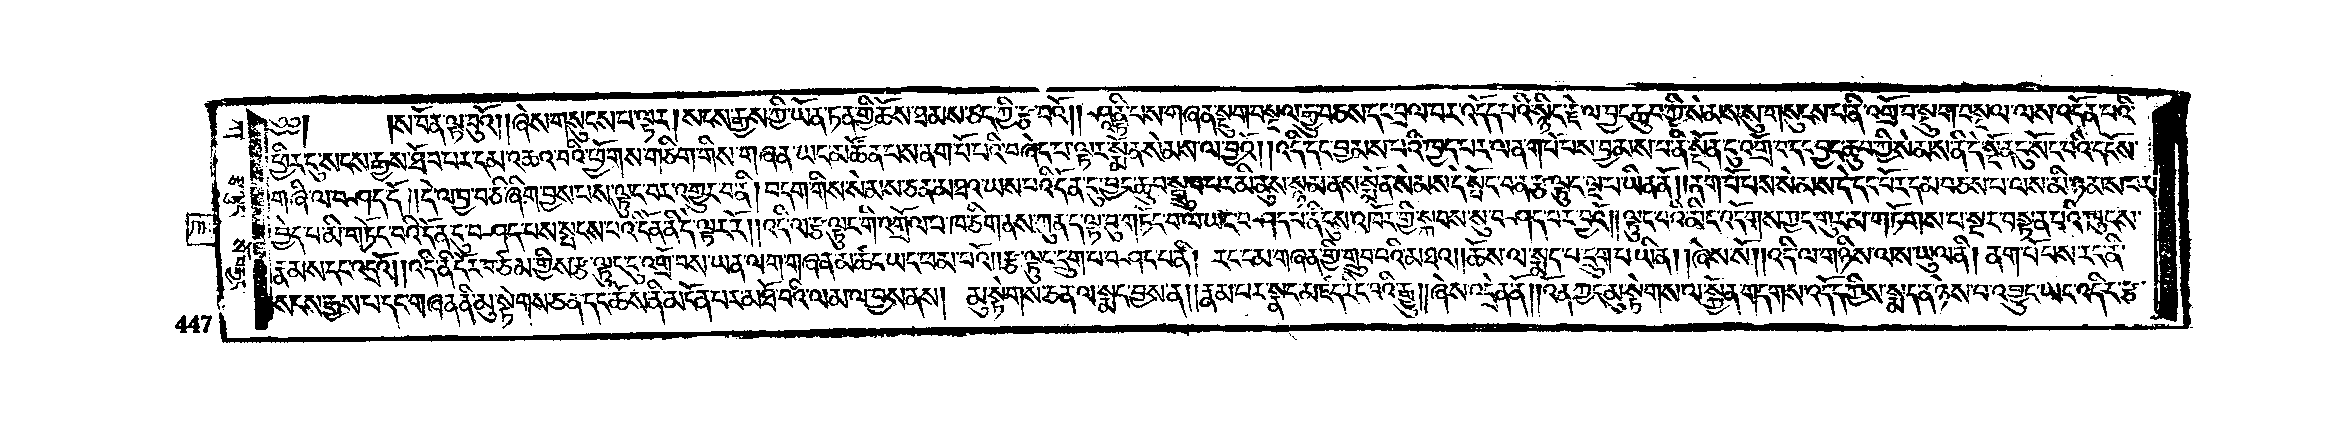༄༅། །ས་བོན་ལྟ་བུའོ། །ཞེས་གསུངས་པ་ལྟར། སངས་རྒྱས་ཀྱི་ཡོན་ཏན་གྱི་ཆོས་ཐམས་ཅད་ཀྱི་རྩ་བའོ། །ཤཱནྟི་པས་གཞན་སྡུག་བསྔལ་རྒྱུ་བཅས་དང་བྲལ་བར་འདོད་པའི་སྙིང་རྗེ་ལ་བྱང་ཆུབ་ཀྱི་སེམས་སུ་གསུངས་པ་ནི་འགྲོ་བ་སྡུག་བསྔལ་ལས་འདོན་པའི་
ཕྱིར་དུ་སངས་རྒྱས་ཐོབ་པར་དམ་འཆའ་བའི་ཕྱོགས་གཅིག་གིས་གཞན་ཡང་མཚོན་པས་ནག་པོ་པའི་བཞེད་པ་ལྟར་སྨོན་སེམས་ལ་བྱའོ། །འདི་དང་བྱམས་པའི་ཁྱད་པར་ལ་ནག་པོ་པས་བྱམས་པ་ནི་སྔོན་དུ་འགྲོ་བ་དང་བྱང་ཆུབ་ཀྱི་སེམས་ནི་དེ་སྔོན་དུ་སོང་བའི་དངོས་
གཞི་ལ་བཤད་དོ། །དེ་ལ་བྱ་བ་ཅི་ཞིག་བྱས་པས་ལྟུང་བར་འགྱུར་བ་ནི། བདག་གིས་སེམས་ཅན་མཐའ་ཡས་པའི་དོན་དུ་བྱང་ཆུབ་སྒྲུབ་པར་མི་ནུས་སྙམ་ནས་སྨོན་སེམས་དེ་སྤོང་བ་ན་རྩ་ལྟུང་ལྔ་པ་ཡིན་ནོ། །ནག་པོ་པས་སེམས་དེ་དང་པོར་དམ་བཅས་པ་ལས་མི་ཉམས་པར་
བྱེད་པ་མི་གཏོང་བའི་དོན་དུ་བཤད་པས་སྤངས་པའི་དོན་ནི་དེ་ལྟར་རོ། །འདི་ལ་རྩ་ལྟུང་གི་འགྲོལ་བ་ཁ་ཅིག་ནས་ཀུན་ད་ལྟ་བུ་གཏོང་བ་ལ་ཡང་བཤད་པ་ནི་དུས་འཁོར་གྱི་སྐབས་སུ་བཤད་པར་བྱའོ། །ལྟུང་པའི་མིང་འདོགས་ཀྱང་གུར་མ་གཏོགས་པ་སྔར་བསྟན་པའི་ཁུངས་
རྣམས་དང་འདྲའོ། །འདི་ནི་དོར་བ་ཙམ་གྱིས་རྩ་ལྟུང་དུ་འགྲོ་བས་ཡན་ལག་གཞན་མ་ཚང་ཡང་ཕམ་པའོ། །རྩ་ལྟུང་དྲུག་པ་བཤད་པ་ནི། རང་ངམ་གཞན་གྱི་གྲུབ་པའི་མཐའ། །ཆོས་ལ་སྨད་པ་དྲུག་པ་ཡིན། །ཞེས་སོ། །འདི་ལ་གཉིས་ལས་ཡུལ་ནི། ནག་པོ་པས་རང་ནི་
སངས་རྒྱས་པ་དང་གཞན་ནི་མུ་སྟེགས་ཅན་དང་ཆོས་ནི་མངོན་པར་མཐོ་བའི་ལམ་ལ་བྱས་ནས། མུ་སྟེགས་ཅན་ལ་སྨད་བྱས་ན། །རྣམ་པར་སྣང་མཛད་རིང་བའི་རྒྱུ། །ཞེས་འདྲེན་ནོ། །འོན་ཀྱང་མུ་སྟེགས་ལ་སྐྱོན་གདགས་འདོད་ཀྱིས་སྨད་ན་ཉེས་པ་འབྱུང་ཡང་འདིར་རྩ་